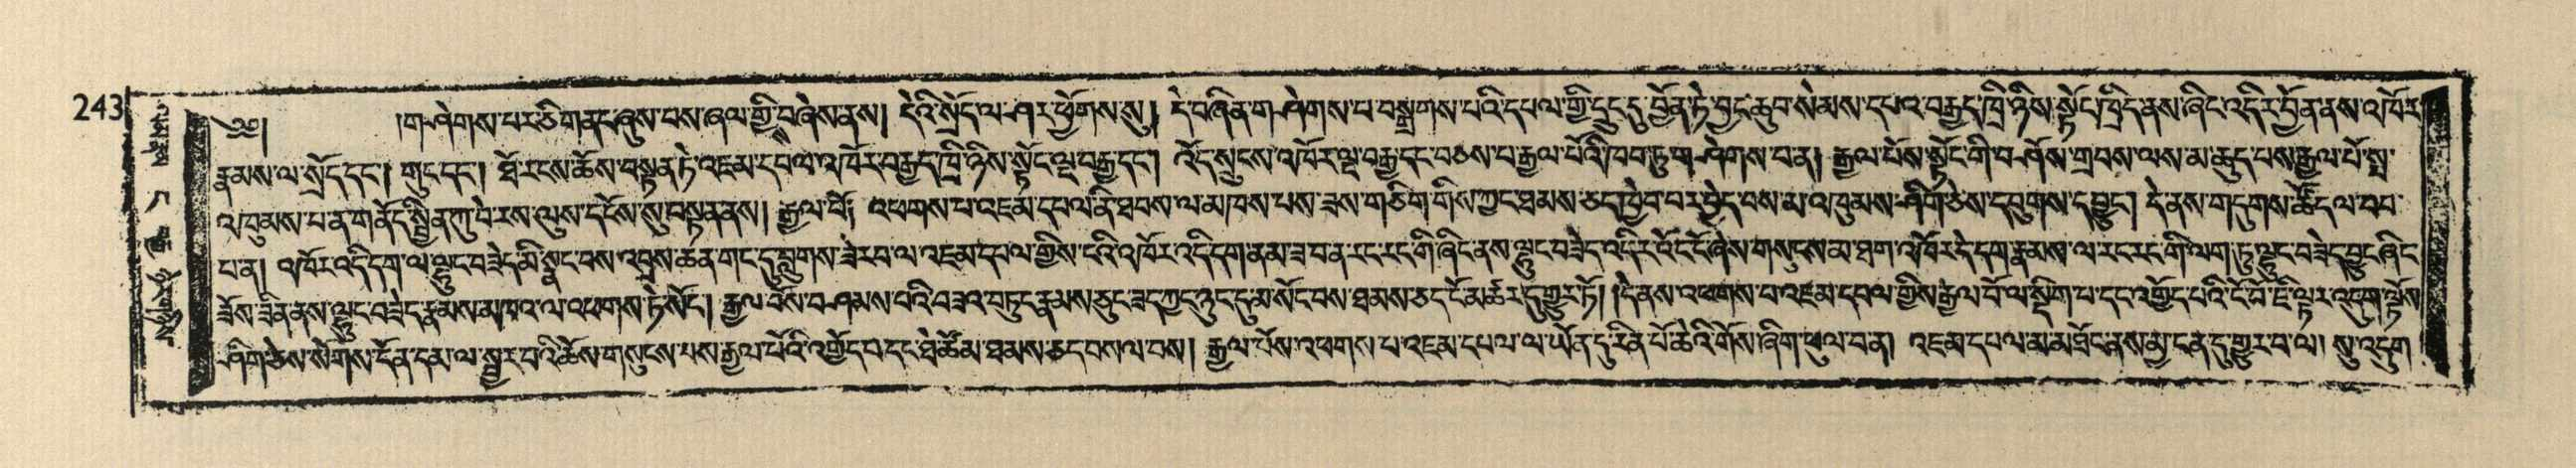༄༅། །གཤེགས་པར་ཅི་གནང་ཞུས་པས་ཞལ་གྱིས་བཞེས་ནས། དེའི་སྲོད་ལ་ཤར་ཕྱོགས་སུ། དེ་བཞིན་གཤེགས་པ་བསྒྲགས་པའི་དཔལ་གྱི་དྲུང་དུ་བྱོན་ཏེ་བྱང་ཆུབ་སེམས་དཔའ་བརྒྱད་ཁྲི་ཉིས་སྟོང་ཁྲིད་ནས་ཞིང་འདིར་བྱོན་ནས་འཁོར་
རྣམས་ལ་སྲོད་དང་། གུང་དང་། ཐོ་རངས་ཆོས་བསྟན་ཏེ་འཇམ་དཔལ་འཁོར་བརྒྱད་ཁྲི་ཉིས་སྟོང་ལྔ་བརྒྱ་དང་། འོད་སྲུངས་འཁོར་ལྔ་བརྒྱ་དང་བཅས་པ་རྒྱལ་པོའི་ཁབ་ཏུ་གཤེགས་པ་ན། རྒྱལ་པོས་སྟོང་གི་བཤོལ་གྲབས་ལས་མ་ཆུད་པས་རྒྱལ་པོས་པ་
འཁུམས་པ་ན་གནོད་སྦྱིན་ཀུ་བེ་རས་ལུས་དངོས་སུ་བསྟན་ནས། རྒྱལ་བོ༑ འཕགས་པ་འཇམ་དཔལ་ནི་ཐབས་ལ་མཁས་པས་ཟས་གཅིག་གིས་ཀྱང་ཐམས་ཅད་ཁྱེབ་པར་བྱེད་བས་མ་འཁུམས་ཤིང་ཅེས་དབུགས་དབྱུང་། དེ་ནས་གདུགས་ཚོད་ལ་བབ་
པ་ན། འཁོར་འདི་དག་ལ་ལྷུང་བཟེད་མི་སྣང་བས་འབྲས་ཆན་གང་དུ་བླུགས་ཟེར་བ་ལ་འཇམ་དཔལ་གྱིས་ངའི་འཁོར་འདི་དག་ནམ་ཟ་བ་ན་རང་རང་གི་ཞིང་ནས་ལྷུང་བཟེད་འདིར་འོང་ངོ་ཞེས་གསུངས་མ་ཐག་འཁོར་དེ་དག་རྣམས་ལ་རང་རང་གི་ལག་ཏུ་ལྷུང་བཟེད་བྱུང་ཞིང་
ཟོས་ཟིན་ནས་ལྷུང་བཟེད་རྣམས་མཁའ་ལ་འཕགས་ཏེ་སོང་། རྒྱལ་བོས་བཤམས་པའི་བཟའ་བཏུང་རྣམས་ཅུང་ཟད་ཀྱང་ཉུང་དུ་མ་སོང་བས་ཐམས་ཅད་ངོ་མཚར་དུ་གྱུར་ཏོ། །དེ་ནས་འཕགས་པ་འཇམ་དཔལ་གྱིས་རྒྱལ་བོ་ལ་སྡིག་པ་དང་འགྱོད་པའི་ངོ་བོ་ཇི་ལྟར་འདུག་ལྟོས་
ཤིག་ཅེས་སོགས་དོན་དམ་ལ་སྦྱར་བའི་ཆོས་གསུངས་པས་རྒྱལ་པོའི་འགྱོད་བ་དང་ཐེ་ཚོམ་ཐམས་ཅད་བསལ་བས། རྒྱལ་པོས་འཕགས་པ་འཇམ་དཔལ་ལ་ཡོན་དུ་རིན་པོ་ཆེའི་གོས་ཞིག་ཕུལ་བ་ན། འཇམ་དཔལ་མ་མཐོང་ནས་མྱ་ངན་དུ་གྱུར་བ་ལ། སུ་འདུག་